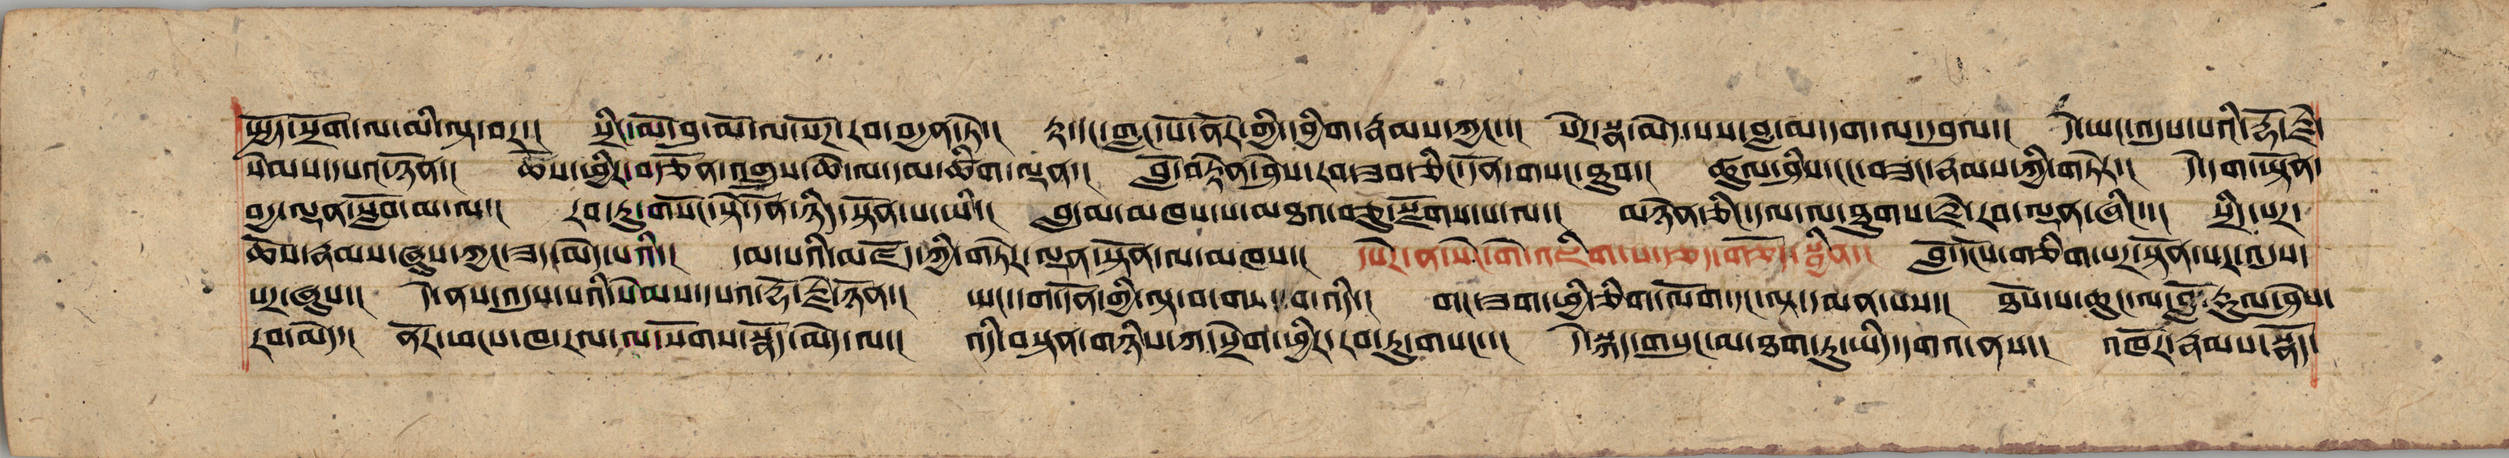སྤྱོད་སྲོག་ལ་མི་ལྟ་བར་། སྲིང་མོ་བུ་མོ་ལ་སོཌ་རབ་བདྱན་ཏེ་། རྟ་དང་གླང་པོ་ནོར་གྱི་དབྱིག་རྣམས་ཀྱང་་། སེར་སྣ་མེད་པས་བླ་མ་དག་ལ་དབུལ་། དེ་ཡང་འདུས་པའི་རྡོ་རྗེ་
སེམས་དཔའ་ཉོན་། ཆོས་ཕྱིར་བརྩོན་འགྲུས་ཆེ་ལ་དམ་ཚིག་ལྡན་། བློ་བརྟེན་ཤེས་རབ་ཟབ་ཅིང་དོན་གསང་ཐུབ་། ཚུལ་ཤིས་ངང་བཟང་རྣམས་ཀྱི་གཏེར་། དེ་དག་ཡྟོན་
བདྱ་ལྷན་སློབ་མ་ལ་། རབ་ཏུ་གསོང་སྟེ་དོན་ཉིད་སྟོན་པ་ཡི་། བླ་མ་མཁས་པ་མཐའ་བཅུ་སྫོགས་པ་ལ་། མཉེན་ཅིང་དལ་ལ་ཐུགས་རྗེ་རབ་ལྡན་ཞིང་། སྲིད་པར་
ཆོས་རྣམས་ཞུས་ཀྱང་ཟད་མེད་པའི་། དམ་པའི་མཛོད་ཀྱི་གཏེར་ལྡན་སྟོན་ལ་མཁས་། དཔེར་ན་སེང་གེ་འཇིག་པ་རྩད་གཅོད་སྦྱིན་། བློ་དངོས་གཅིག་པར་སྟོན་པར་འདུས་
པར་ཞུས་། དེ་ནས་འདུས་པའི་སེམས་དཔའ་རྡོ་རྗེ་ཉོན་། ཡང་དག་དོན་གྱི་ལྟ་བ་གསར་བ་འདི་། གང་ཟག་ཕྱི་ཅིག་ལོག་དང་ལྟ་དམན་པས་། ཐོས་པ་ཆུང་ལ་བློ་རྟུལ་ཤེས་
རབ་མེད་། ནོར་ཕངས་ཁ་རལ་ལ་སོགས་སྣོད་མེད་ལ་། འདི་བསྟན་གཉིས་ཀ་སྲེག་ཕྱིར་རབ་ཏུ་གསང་་། དེ་སྐད་གསུང་མ་ཐག་ཏུ་ཡིད་དགའ་ནས་། འཁོར་རྣམས་སྣོད་